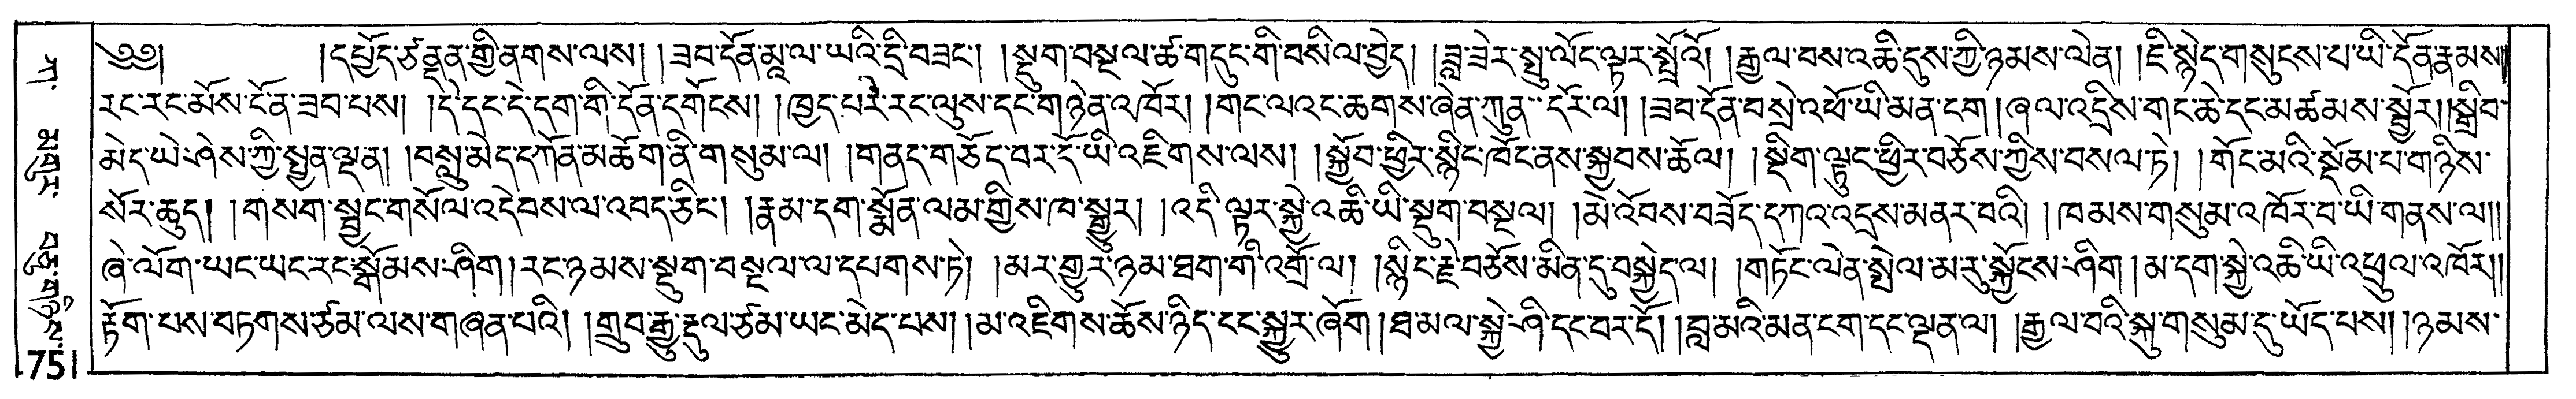༄༅། །དཔྱོད་ཙནྡན་གྱི་ནགས་ལས། །ཟབ་དོན་མཱ་ལ་ཡའི་དྲི་བཟང་། །སྡུག་བསྔལ་ཚ་གདུང་གི་བསིལ་བྱེད། །ཟླ་ཟེར་སྤུ་ལོང་ལྟར་སྤྲོའོ། །རྒྱལ་བས་འཆི་དུས་ཀྱི་ཉམས་ལེན། །ཇི་སྙེད་གསུངས་པ་ཡི་དོན་རྣམས་
རང་རང་མོས་ངོ་ན་ཟབ་པས། །དེ་དང་དེ་དག་གི་དོན་དགོངས། །ཁྱད་པར་རང་ལུས་དང་གཉེན་འཁོར། །གང་ལའང་ཆགས་ཞེན་ཀུན་དོར་ལ། །ཟབ་དོན་བསྲེ་འཕོ་ཡི་མན་ངག །ཞལ་འདྲིས་གང་ཆེ་དང་མཚམས་སྦྱོར། །སྒྲིབ་
མེད་ཡེ་ཤེས་ཀྱི་སྤྱན་ལྡན། །བསླུ་མེད་དཀོན་མཆོག་ནི་གསུམ་ལ། །གནད་གཅོད་བར་དོ་ཡི་འཇིགས་ལས། །སྐྱོབ་ཕྱིར་སྙིང་ཁོང་ནས་སྐྱབས་ཆོལ། །སྡིག་ལྟུང་ཕྱིར་བཅོས་ཀྱིས་བསལ་ཏེ། །གོང་མའི་སྡོམ་པ་གཉིས་
སོར་ཆུད། །གསག་སྦྱང་གསོལ་འདེབས་ལ་འབད་ཅིང་། །རྣམ་དག་སྨོན་ལམ་གྱིས་ཁ་སྒྱུར། །འདི་ལྟར་སྐྱེ་འཆི་ཡི་སྡུག་བསྔལ། །མེ་འོབས་བཟོད་དཀའ་འདྲས་མནར་བའི། །ཁམས་གསུམ་འཁོར་བ་ཡི་གནས་ལ། །
ཞེ་ལོག་ཡང་ཡང་རང་སྒོམས་ཤིག །རང་ཉམས་སྡུག་བསྔལ་ལ་དཔགས་ཏེ། །མར་གྱུར་ཉམ་ཐག་གི་འགྲོ་ལ། །སྙིང་རྗེ་བཅོས་མིན་དུ་བསྐྱེད་ལ། །གཏོང་ལེན་སྤེལ་མ་རུ་སྐྱོངས་ཤིག །མ་དག་སྐྱེ་འཆི་ཡི་འཕྲུལ་འཁོར། །
རྟོག་པས་བཏགས་ཙམ་ལས་གཞན་པའི། །གྲུབ་རྒྱུ་རྡུལ་ཙམ་ཡང་མེད་པས། །མ་འཇིགས་ཆོས་ཉིད་ངང་སྐྱུར་ཞོག །ཐ་མལ་སྐྱེ་ཤི་དང་བར་དོ། །བླ་མའི་མན་ངག་དང་ལྡན་ལ། །རྒྱལ་བའི་སྐུ་གསུམ་དུ་ཡོད་པས། །ཉམས་